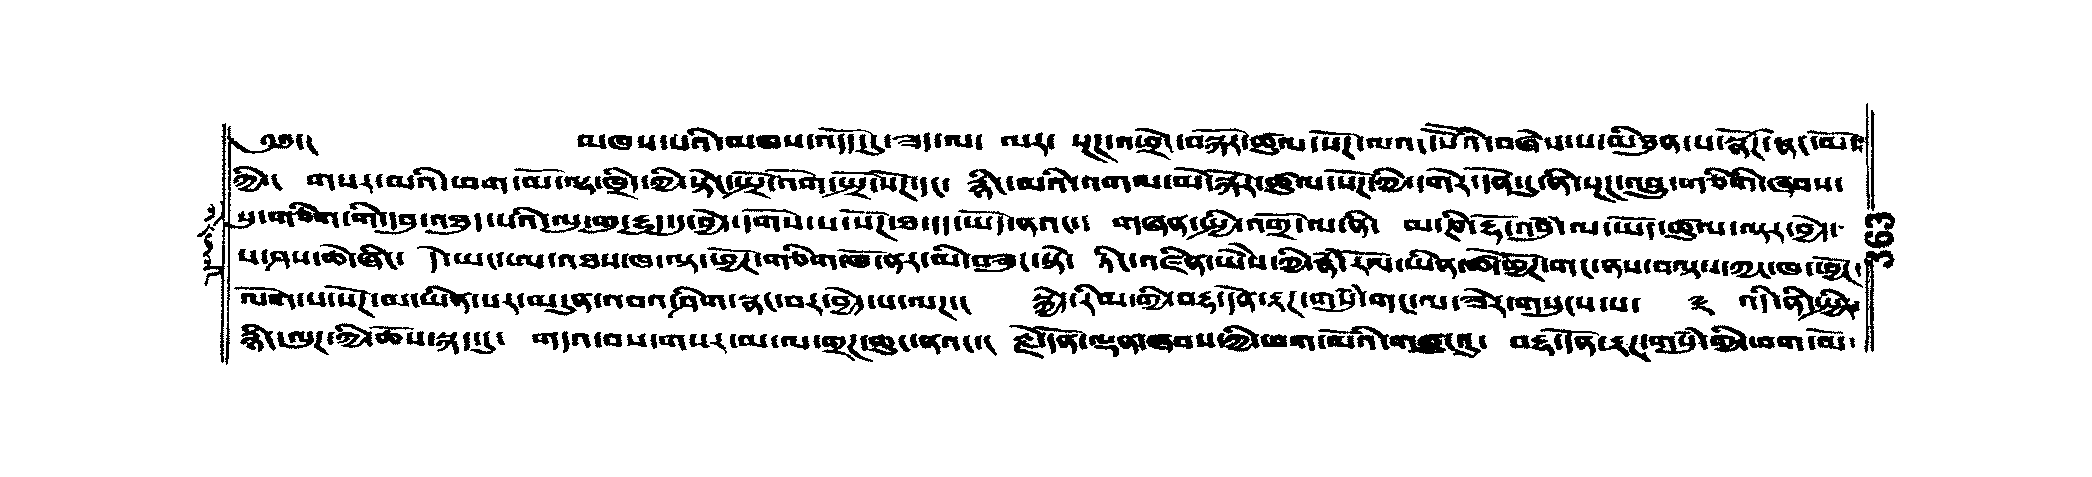མཁས་པའི་མཁས་འདོད་དུ་ཟད་ལ། ལར། སྔགས་འཕྲེང་བསྐོར་ཚུལ་སོགས་ལའང་སོ་སོའི་བཞེད་པ་མི་མཐུན་པ་སྣ་ཚོགས་སྣང་མོད་
ཀྱི། གསར་མའི་ཕག་མོ་ལྷ་ཁྲིད་ཀྱི་སྟེང་སྤྲོ་འོག་སྤྲོ་སོགས་དང་། རྙིང་མའི་འགལ་མེ་སྐོར་ཚུལ་སོགས་ཀྱི་དགེར་དོན་དུ་ནི་སྔགས་འབྲུ་གཅིག་གི་ཞབས་
སུ་གཅིག་གི་དབུ་འཐུད་པའི་ལུ་གུ་རྒྱུད་དུ་བྱེད་དགོས་པ་སོགས་ཐ་དད་ཡོད་ནའང་། གཞན་སྤྱི་འགྲོ་ལ་ནི། མ་ཎི་རྡོ་འབུམ་ལ་ཡོད་ཚུལ་ལྟར་བྱེད་
པ་ཤས་ཆེ་ཞིང་། དེ་ཡང་ཨ་འཐས་ཁ་ལྟ་ཕྱོགས་གཅིག་ཁོ་ནར་མི་བཟུང་སྟེ། ཏིང་འཛིན་ཡེ་ཤེས་ཀྱི་རྣམ་རོལ་ཡིན་ཚེ་ཕྱོགས་གང་ནས་བལྟས་ཀྱང་ཁ་ཕྱོགས་
ལོག་པ་སོགས་མ་ཡིན་པར་མདུན་འབའ་ཤིག་སྣང་བར་བྱེད་པ་ལགས། བསྐྱེད་རིམ་གྱི་བརྡ་དོན་རྟགས་གསུམ་གང་ལ་ཟེར་གསུངས་པ་གསུམ། འདི་ནི་སྤྱིར་
རྙིང་ལུགས་ཀྱི་ཆོས་སྐད་དུ་གདའ་བས་གསར་མ་ལ་གྲགས་ཆུང་ནའང་། རྗེ་དོན་ལྡན་ཞབས་ཀྱི་ཕག་མོའི་གཞུང་དུ། བརྡ་དོན་རྟགས་གསུམ་གྱི་ཕག་མོ་